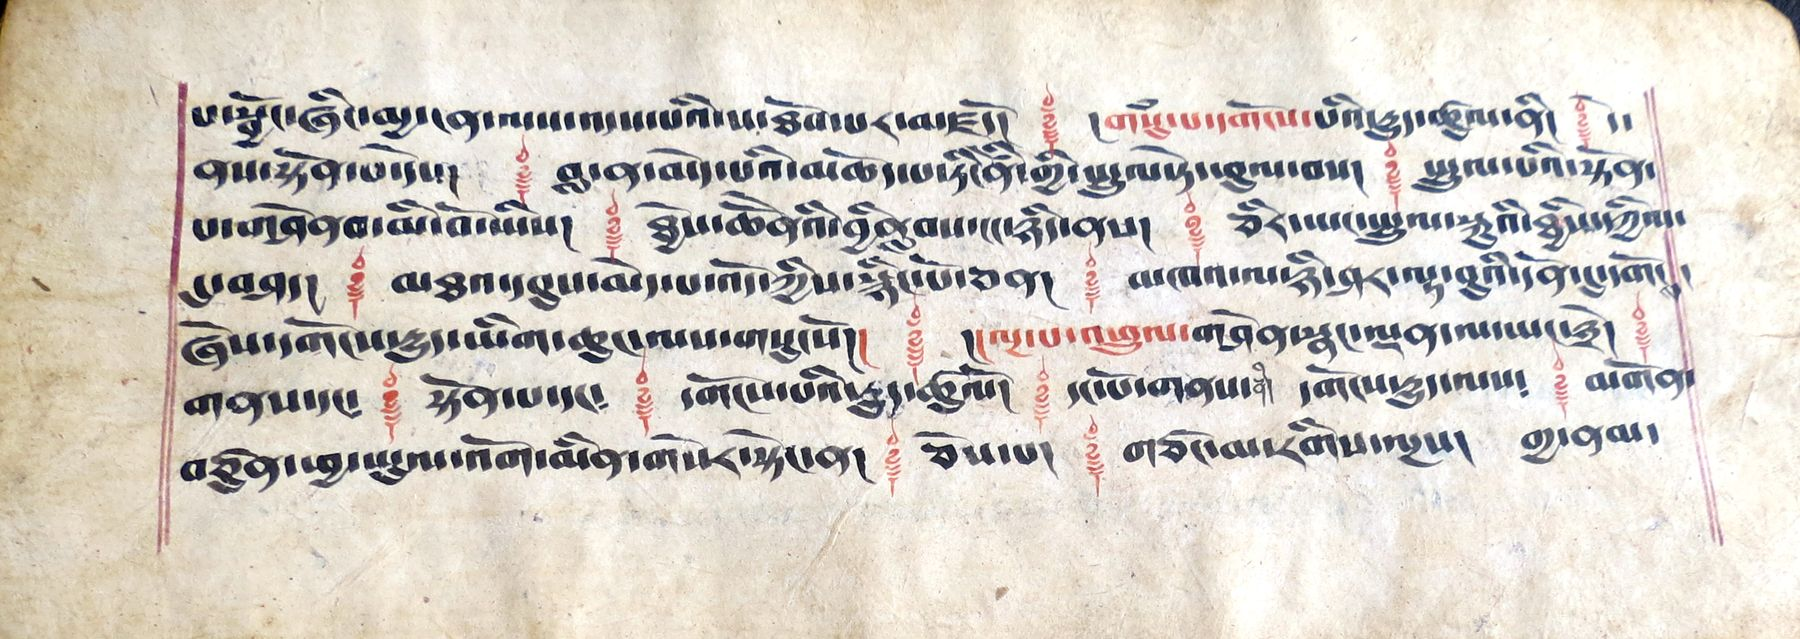པ་སྦྱོང་ཞིང་མྱ་ངན་ལས་འདས་པའི་ས་ཐོབ་པར་མཛད་དོ། ། གསུམ་པ་དགོངས་པའི་བརྒྱུད་ཚུལ་ནི། དེ་
ནས་སྟོན་པ་དེས། བླ་ན་མེད་པའི་མཆོད་པ་ཏིང་ངེ་འཛིན་གྱིས་སྤྲུལ་ཏེ་ཕུལ་བས། སྤྲུལ་པའི་སྟོན་
པ་གཤེན་རབ་མི་བོ་ཡིས། ། ཐུགས་རྗེ་ཆེན་པོ་བྱིན་རླབས་ངང་ཉིད་ནས། ། ཅི་ཡང་སྤྲུལ་སྐུའི་ཐུགས་ཀྱི་དཀྱིལ་
དུ་བཤད། ། མཐའ་དབུས་མེད་པ་འོད་ཀྱི་སྙིང་པོ་ཅན། ། མཁའ་ལ་ཉི་ཤར་ལྷ་བུའི་དོན་དུ་དགོངས། ། 
ཞེས་དགོངས་རྒྱུད་ཡིག་ཆུང་ལས་གསུངས་སོ། ། ལྔ་པ་འཕྲུལ་གཤེན་སྣང་ལྡན་ལ་ཡང་གསུམ་སྟེ། 
གནས་དང་། སྟོན་པ་དང་། དགོངས་པའི་བརྒྱུད་ཚུལ་ལོ། ། དང་པོ་གནས་ནི། དགོངས་རྒྱུད་ལས། མགོན་
བཙུན་ཕྱྭ་ཡུལ་འོག་མིན་གསེར་སྟེང་ན། ཞེས་པས། གཙང་མ་རིགས་ལྔའི། གྱ་ནོམ་